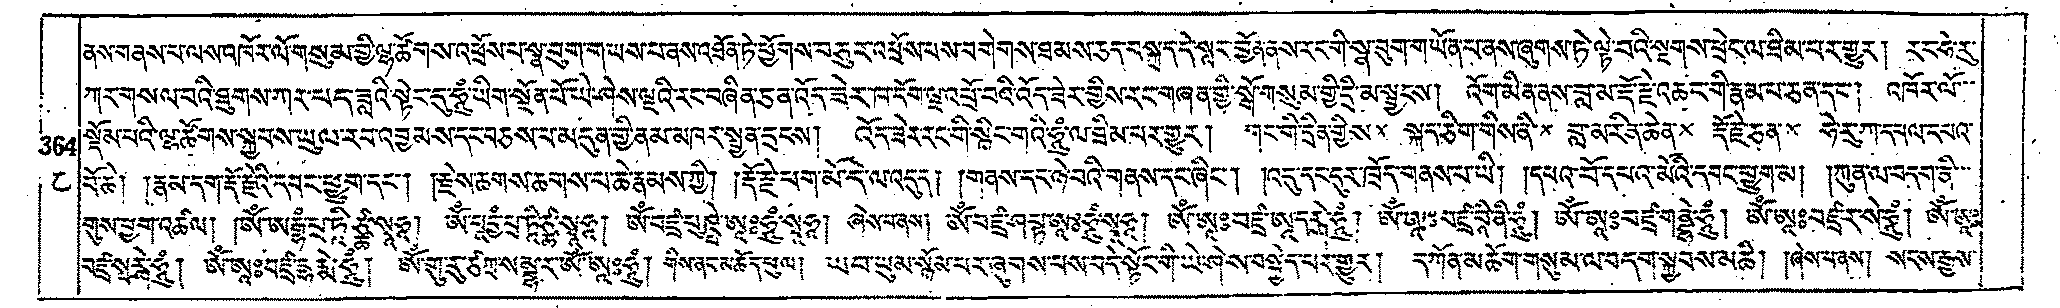ནས་གནས་པ་ལས་འཁོར་ལོ་གསུམ་གྱི་ལྷ་ཚོགས་འཕྲོས་པ་སྣ་བུག་གཡས་པ་ནས་འཐོན་ཏེ་ཕྱོགས་བཅུར་འཕྲོས་པས་བགེགས་ཐམས་ཅད་བསྐྲད་དེ་སླར་བྱོན་ནས་རང་གི་སྣ་བུག་གཡོན་པ་ནས་ཞུགས་ཏེ་ལྟེ་བའི་སྔགས་ཕྲེང་ལ་ཐིམ་པར་གྱུར། རང་ཧེ་རུ་
ཀར་གསལ་བའི་ཐུགས་ཀར་པད་ཟླའི་སྟེང་དུ་ཧཱུཾ་ཡིག་སྔོན་པོ་ཡེ་ཤེས་ལྔའི་རང་བཞིན་ཅན་འོད་ཟེར་ཁ་དོག་ལྔ་འཕྲོ་བའི་འོད་ཟེར་གྱིས་རང་གཞན་གྱི་སྒོ་གསུམ་གྱི་དྲི་མ་སྦྱངས། འོག་མིན་ནས་བླ་མ་རྡོ་རྗེ་འཆང་གི་རྣམ་པ་ཅན་དང་། འཁོར་ལོ་་་
སྡོམ་པའི་ལྷ་ཚོགས་སྐྱབས་ཡུལ་རབ་འབྱམས་དང་བཅས་པ་མདུན་གྱི་ནམ་མཁར་སྤྱན་དྲངས། འོད་ཟེར་རང་གི་སྙིང་གའི་ཧཱུཾ་ལ་ཐིམ་པར་གྱུར། གང་གི་དྲིན་གྱིས་྾་སྐད་ཅིག་གིས་ནི་྾་བླ་མ་རིན་ཆེན་྾་རྡོ་རྗེ་ཅན་྾་ཧེ་རུ་ཀ་དཔལ་དཔའ་
བོ་ཆེ། །རྣམ་དག་རྡོ་རྗེའི་དབང་ཕྱུག་དང་། །རྗེས་ཆགས་ཆགས་པ་ཆེ་རྣམས་ཀྱི། །རྡོ་རྗེ་ཕག་མོ་དེ་ལ་འདུད། །གནས་དང་ཉེ་བའི་གནས་དང་ཞིང་། །འདུ་དང་དུར་ཁྲོད་གནས་པ་ཡི། །དཔའ་བོ་དཔའ་མོའི་དབང་ཕྱུག་མ། །ཀུན་ལ་བདག་ནི་་་
གུས་ཕྱག་འཚལ། །ཨོཾ་ཨརྒྷཾ་པྲ་ཏཱི་ཙྪ་སྭཱཧཱ། ཨོཾ་པཱདྱཾ་པྲ་ཏཱི་ཙྪ་སྭཱཧཱ། ཨོཾ་བཛྲ་པུཥྤེ་ཨཱཿཧཱུཾ་སྭཱཧཱ། ཞེས་པ་ནས།  ཨོཾ་བཛྲ་ཤཔྟ་ཨཱཿཧཱུཾ་སྭཱཧཱ། ཨོཾ་ཨཱཿབཛྲ་ཨཱ་དརྴེ་ཧཱུཾ། ཨོཾ་ཨཱཿབཛྲ་བཱི་ནི་ཧཱུཾ། ཨོཾ་ཨཱཿབཛྲ་གནྡྷེ་ཧཱུཾ། ཨོཾ་ཨཱཿབཛྲ་ར་སེ་ཧཱུཾ། ཨོཾ་ཨཱཿ
བཛྲ་སྤརྴེ་ཧཱུཾ། ཨོཾ་ཨཱཿབཛྲ་དྷརྨེ་ཧཱུཾ། ཨོཾ་གུ་རུ་ཙཀྲ་སམྦྷ་ར་ཨོཾ་ཨཱཿཧཱུཾ། གིས་ནང་མཆོད་ཕུལ།  ཡབ་ཡུམ་སྙོམ་པར་ཞུགས་པས་བདེ་སྟོང་གི་ཡེ་ཤེས་བསྐྱེད་པར་གྱུར། དཀོན་མཆོག་གསུམ་ལ་བདག་སྐྱབས་མཆི། །ཞེས་པ་ནས།  སངས་རྒྱས་